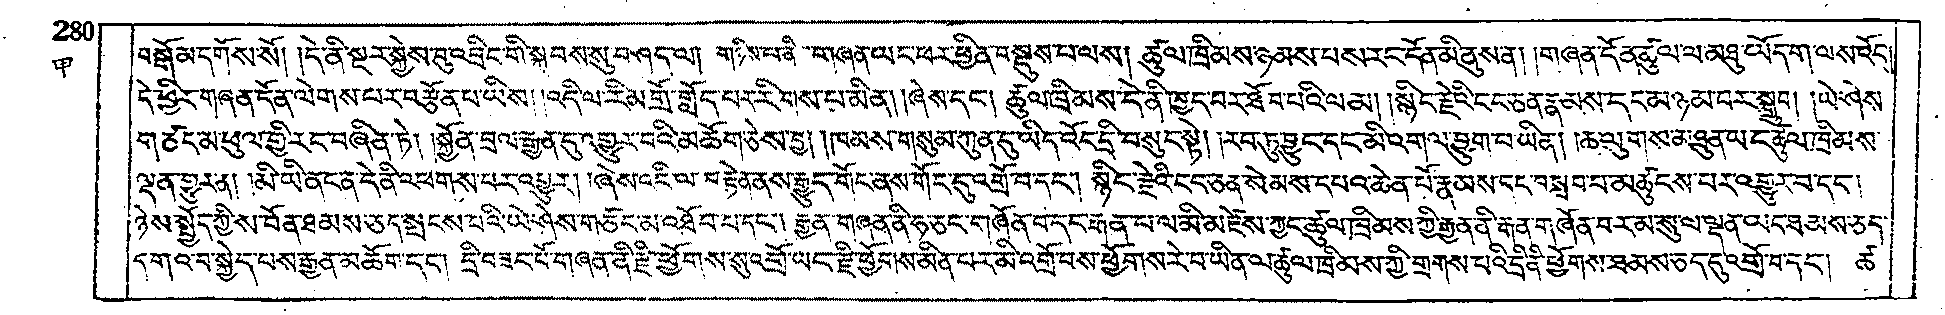བསྒོམ་དགོས་སོ། །དེ་ནི་སྔར་སྐྱེས་བུ་འབྲིང་གི་སྐབས་སུ་བཤད་ལ། གཉིས་པ་ནི་གཞན་ཡང་ཕར་ཕྱིན་བསྡུས་པ་ལས། ཚུལ་ཁྲིམས་ཉམས་པས་རང་དོན་མི་ནུས་ན། །གཞན་དོན་ཚུལ་ལ་མཐུ་ཡོད་ག་ལས་འོང་།
དེ་ཕྱིར་གཞན་དོན་ལེགས་པར་བརྩོན་པ་ཡིས། །འདི་ལ་རིམ་གྲོ་གློད་པར་རིགས་པ་མིན། །ཞེས་དང་། ཚུལ་ཁྲིམས་དེ་ནི་ཁྱད་པར་ཐོབ་པའི་ལམ། །སྙིང་རྗེའི་ངང་ཅན་རྣམས་དང་མཉམ་པར་སྒྲུབ། །ཡེ་ཤེས་
གཙང་མ་ཕུལ་གྱི་རང་བཞིན་ཏེ། །སྐྱོན་བྲལ་རྒྱན་དུ་འགྱུར་བའི་མཆོག་ཅེས་བྱ། །ཁམས་གསུམ་ཀུན་དུ་ཡིད་འོང་དྲི་བསུང་སྟེ། །རབ་ཏུ་བྱུང་དང་མི་འགལ་བྱུག་པ་ཡིན། །ཆ་ལུགས་མཐུན་ཡང་ཚུལ་ཁྲིམས་
ལྡན་གྱུར་ན། །མི་ཡི་ནང་ན་དེ་ནི་འཕགས་པར་འགྱུར། །ཞེས་འདི་ལ་བརྟེན་ནས་རྒྱུད་གོང་ནས་གོང་དུ་འགྲོ་བ་དང་། སྙིང་རྗེའི་ངང་ཅན་སེམས་དཔའ་ཆེན་པོ་རྣམས་དང་བསླབ་པ་མཚུངས་པར་འགྱུར་བ་དང་།
ཉེས་སྤྱོད་ཀྱི་ས་བོན་ཐམས་ཅད་སྤངས་པའི་ཡེ་ཤེས་གཙང་མ་འཐོབ་པ་དང་། རྒྱན་གཞན་ནི་ཧ་ཅང་གཞོན་པ་དང་རྒན་པ་ལ་མི་མཛེས་ཀྱང་ཚུལ་ཁྲིམས་ཀྱི་རྒྱན་ནི་རྒན་གཞོན་བར་མ་སུ་ལ་ལྡན་ཡང་ཐམས་ཅད་
དགའ་བ་སྐྱེད་པས་རྒྱན་མཆོག་དང་། དྲི་བཟང་པོ་གཞན་ནི་རྫི་ཕྱོགས་སུ་འགྲོ་ཡང་རྫི་ཕྱོགས་མིན་པར་མི་འགྲོ་བས་ཕྱོགས་རེ་བ་ཡིན་ལ་ཚུལ་ཁྲིམས་ཀྱི་གྲགས་པའི་དྲི་ནི་ཕྱོགས་ཐམས་ཅད་དུ་འགྲོ་བ་དང་། ཚ་